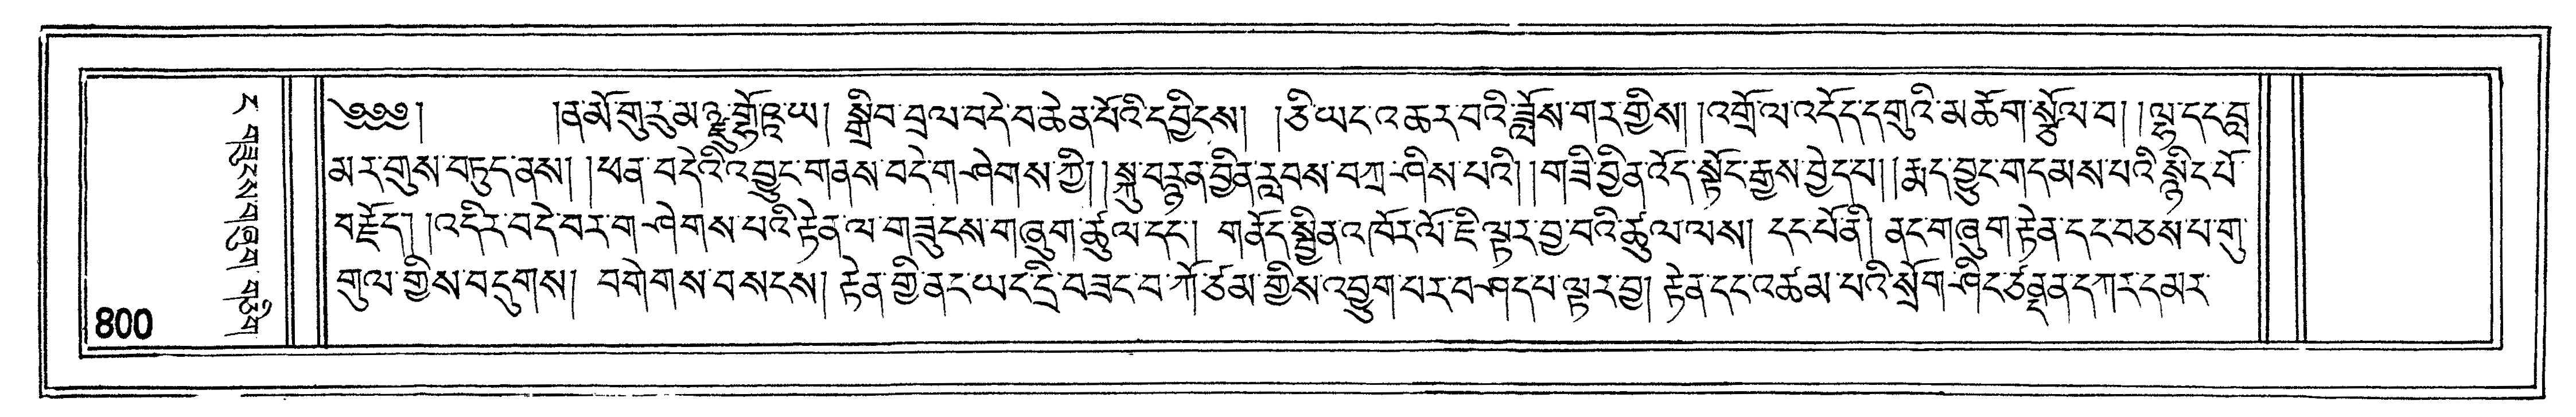༄༅༅། །ན་མོ་གུ་རུ་མཉྫུ་གྷོ་ཥཱ་ཡ། སྒྲིབ་བྲལ་བདེ་བ་ཆེན་པོའི་དབྱིངས། །ཅི་ཡང་འཆར་བའི་ཟློས་གར་གྱིས། །འགྲོ་ལ་འདོད་དགུའི་མཆོག་སྩོལ་བ། །ལྷ་དང་བླ་
མར་གུས་བཏུད་ནས། །ཕན་བདེའི་འབྱུང་གནས་བདེ་གཤེགས་ཀྱི། །སྐུ་བརྙན་བྱིན་རླབས་བཀྲ་ཤིས་པའི། །གཟི་བྱིན་འོད་སྟོང་རྒྱས་བྱེད་པ། །རྨད་བྱུང་གདམས་པའི་སྙིང་པོ་
བརྗོད། །འདིར་བདེ་བར་གཤེགས་པའི་རྟེན་ལ་གཟུངས་གཞུག་ཚུལ་དང་། གནོད་སྦྱིན་འཁོར་ལོ་ཇི་ལྟར་བྱ་བའི་ཚུལ་ལས། དང་པོ་ནི། ནང་གཞུག་རྟེན་དང་བཅས་པ་གུ་
གུལ་གྱིས་བདུགས། བགེགས་བསངས། རྟེན་གྱི་ནང་ཡང་དྲི་བཟང་བ་ཀོ་ཙམ་གྱིས་འབྱུག་པར་བཤད་པ་ལྟར་བྱ། རྟེན་དང་འཚམ་པའི་སྲོག་ཤིང་ཙནྡན་དཀར་དམར་